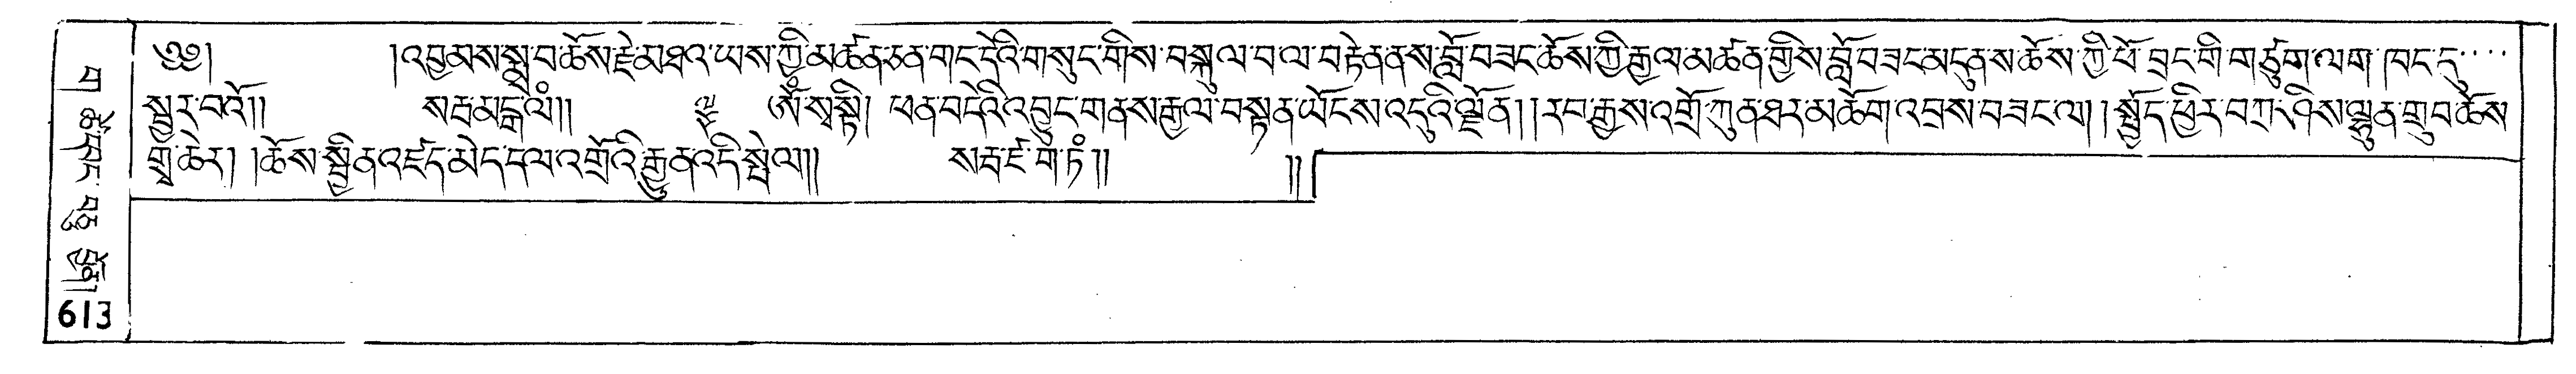༄༅། །འབྱམས་སྨྲ་བ་ཆོས་རྗེ་མཐའ་ཡས་ཀྱི་མཚན་ཅན་གང་དེའི་གསུང་གིས་བསྐུལ་བ་ལ་བརྟེན་ནས་བློ་བཟང་ཆོས་ཀྱི་རྒྱལ་མཚན་གྱིས་བློ་བཟང་མདུན་ས་ཆོས་ཀྱི་ཕོ་བྲང་གི་གཙུག་ལག་ཁང་དུ་
སྦྱར་བའོ།། སརྦ་མངྒ་ལཾ།། ༈ ཨོཾ་སྭ་སྟི། ཕན་བདེའི་འབྱུང་གནས་རྒྱལ་བསྟན་ཡོངས་འདུའི་ལྗོན། །རབ་རྒྱས་འགྲོ་ཀུན་ཐར་མཆོག་འབྲས་བཟང་ལ། །སྤྱོད་ཕྱིར་བཀྲ་ཤིས་ལྷུན་གྲུབ་ཆོས་
གྲྭ་ཆེར། །ཆོས་སྦྱིན་འཛད་མེད་དལ་འགྲོའི་རྒྱུན་འདི་སྤེལ།། སརྦ་ཛ་ག་ཏཾ།། །